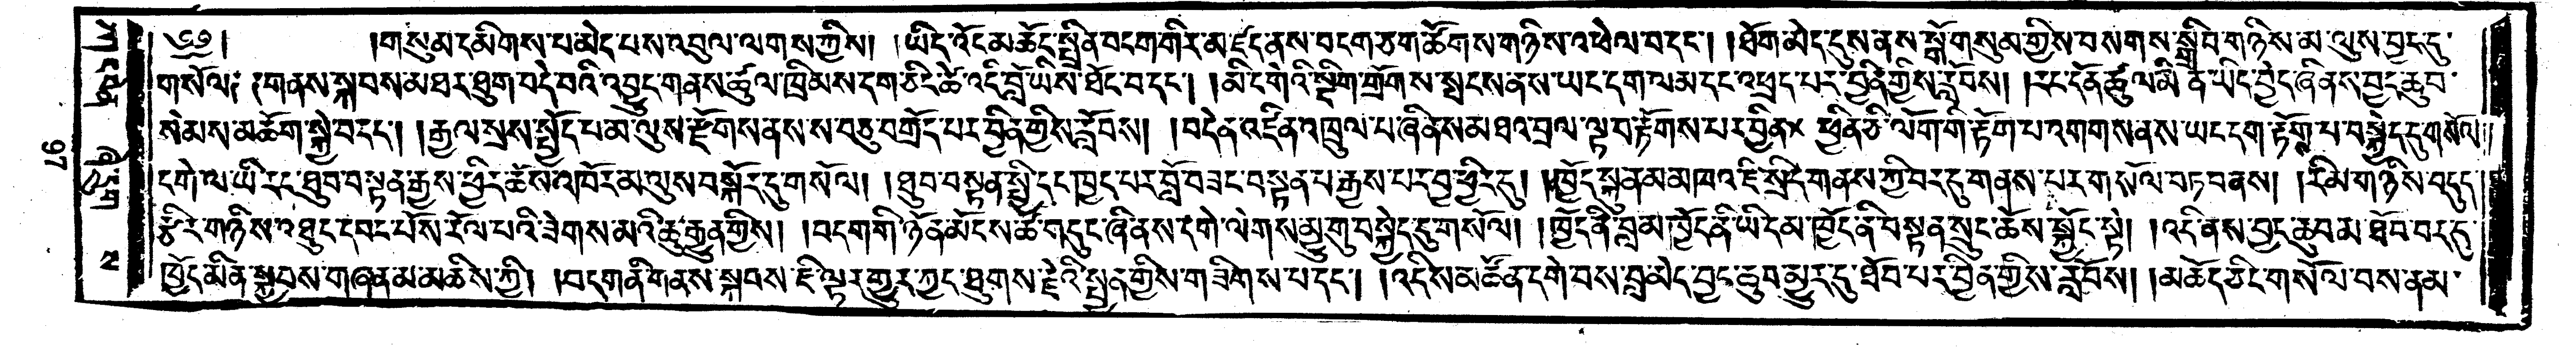༄༅། །གསུམ་དམིགས་པ་མེད་པས་འབུལ་ལགས་ཀྱིས། །ཡིད་འོང་མཆོད་སྤྲིན་བདག་གིར་མཛད་ནས་བདག་ཅག་ཚོགས་གཉིས་འཕེལ་བ་དང་། །ཐོག་མེད་དུས་ནས་སྒོ་གསུམ་གྱིས་བསགས་སྒྲིབ་གཉིས་མ་ལུས་བྱང་དུ་
གསོལ༑ ༑གནས་སྐབས་མཐར་ཐུག་བདེ་བའི་འབྱུང་གནས་ཚུལ་ཁྲིམས་དག་ཅིང་ཚེ་འདི་བློ་ཡིས་ཐོང་བ་དང་། །མི་དགེའི་སྡིག་གྲོགས་སྤངས་ནས་ཡང་དག་ལམ་དང་འཕྲད་པར་བྱིན་གྱིས་རློབས། །རང་དོན་ཚུལ་མིན་ཡིད་བྱེད་ཞི་ནས་བྱང་ཆུབ་
སེམས་མཆོག་སྐྱེ་བ་དང་། །རྒྱལ་སྲས་སྤྱོད་པ་མ་ལུས་རྫོགས་ནས་ས་བཅུ་བགྲོད་པར་བྱིན་གྱིས་རློབས། །བདེན་འཛིན་འཁྲུལ་པ་ཞི་ནས་མཐའ་བྲལ་ལྟ་བ་རྟོགས་པར་བྱིན་྾་ཕྱིན་ཅི་ལོག་གི་རྟོག་པ་འགགས་ནས་ཡང་དག་རྟོགས་པ་བསྐྱེད་དུ་གསོལ།།
དགེ་ལ་ཡི་རང་ཐུབ་བསྟན་རྒྱས་ཕྱིར་ཆོས་འཁོར་མ་ལུས་བསྐོར་དུ་གསོལ། །ཐུབ་བསྟན་སྤྱི་དང་ཁྱད་པར་བློ་བཟང་བསྟན་པ་རྒྱས་པར་བྱ་ཕྱིར་དུ། །ཁྱོད་སྐུ་ནམ་མཁའ་ཇི་སྲིད་གནས་ཀྱི་བར་དུ་གནས་པར་གསོལ་བཏབ་ནས། །རིམ་གཉིས་བདུད་
རྩིར་གཉིས་འཐུང་དབང་པོས་རོལ་པའི་ཟེགས་མའི་ཆུ་རྒྱུན་གྱིས། །བདག་གི་ཉོན་མོངས་ཚ་གདུང་ཞི་ནས་དགེ་ལེགས་མྱུ་གུ་བསྐྱེད་དུ་གསོལ། །ཁྱོད་ནི་བླ་མ་ཁྱོད་ནི་ཡི་དམ་ཁྱོད་ནི་བསྟན་སྲུང་ཆོས་སྐྱོང་སྟེ། །འདི་ནས་བྱང་ཆུབ་མ་ཐོབ་བར་དུ་
ཁྱོད་མིན་སྐྱབས་གཞན་མ་མཆིས་ཀྱི། །བདག་ནི་གནས་སྐབས་ཇི་ལྟར་གྱུར་ཀྱང་ཐུགས་རྗེའི་སྤྱན་གྱིས་གཟིགས་པ་དང་། །འདི་ས་མཚོན་དགེ་བས་བླ་མེད་བྱང་ཆུབ་མྱུར་དུ་ཐོབ་པར་བྱིན་གྱིས་རློབས། །མཆོད་ཅིང་གསོལ་བས་ནམ་